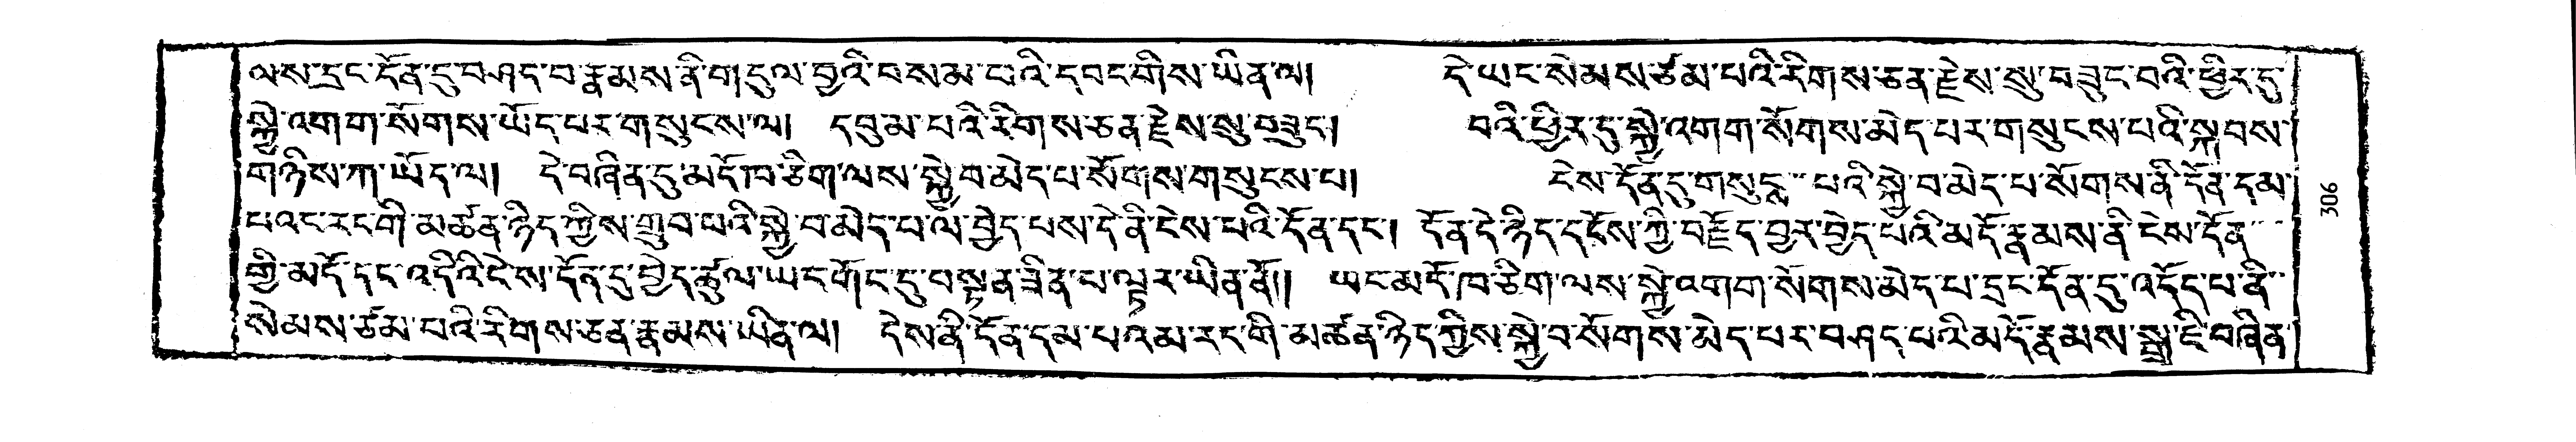ལས་དྲང་དོན་དུ་བཤད་པ་རྣམས་ནི་གདུལ་བྱའི་བསམ་པའི་དབང་གིས་ཡིན་ལ། དེ་ཡང་སེམས་ཙམ་པའི་རིགས་ཅན་རྗེས་སུ་བཟུང་བའི་ཕྱིར་དུ་
སྐྱེ་འགག་སོགས་ཡོད་པར་གསུངས་ལ། དབུ་མ་པའི་རིགས་ཅན་རྗེས་སུ་བཟུང་། བའི་ཕྱིར་དུ་སྐྱེ་འགག་སོགས་མེད་པར་གསུངས་པའི་སྐབས་
གཉིས་ཀ་ཡོད་ལ། དེ་བཞིན་དུ་མདོ་ཁ་ཅིག་ལས་སྐྱེ་བ་མེད་པ་སོགས་གསུངས་པ། ངེས་དོན་དུ་གསུངས་པའི་སྐྱེ་བ་མེད་པ་སོགས་ནི་དོན་དམ་
པའང་རང་གི་མཚན་ཉིད་ཀྱིས་གྲུབ་པའི་སྐྱེ་བ་མེད་པ་ལ་བྱེད་པས་དེ་ནི་ངེས་པའི་དོན་དང་། དོན་དེ་ཉིད་དངོས་ཀྱི་བརྗོད་བྱར་བྱེད་པའི་མདོ་རྣམས་ནི་ངེས་དོན་
གྱི་མདོ་དང་འདིའི་ངེས་དོན་དུ་བྱེད་ཚུལ་ཡང་གོང་དུ་བསྟན་ཟིན་པ་ལྟར་ཡིན་ནོ། །ཡང་མདོ་ཁ་ཅིག་ལས་སྐྱེ་འགག་སོགས་མེད་པ་དྲང་དོན་དུ་འདོད་པ་ནི་
སེམས་ཙམ་པའི་རིགས་ཅན་རྣམས་ཡིན་ལ། དེས་ནི་དོན་དམ་པའམ་རང་གི་མཚན་ཉིད་ཀྱིས་སྐྱེ་བ་སོགས་མེད་པར་བཤད་པའི་མདོ་རྣམས་སྒྲ་ཇི་བཞིན་